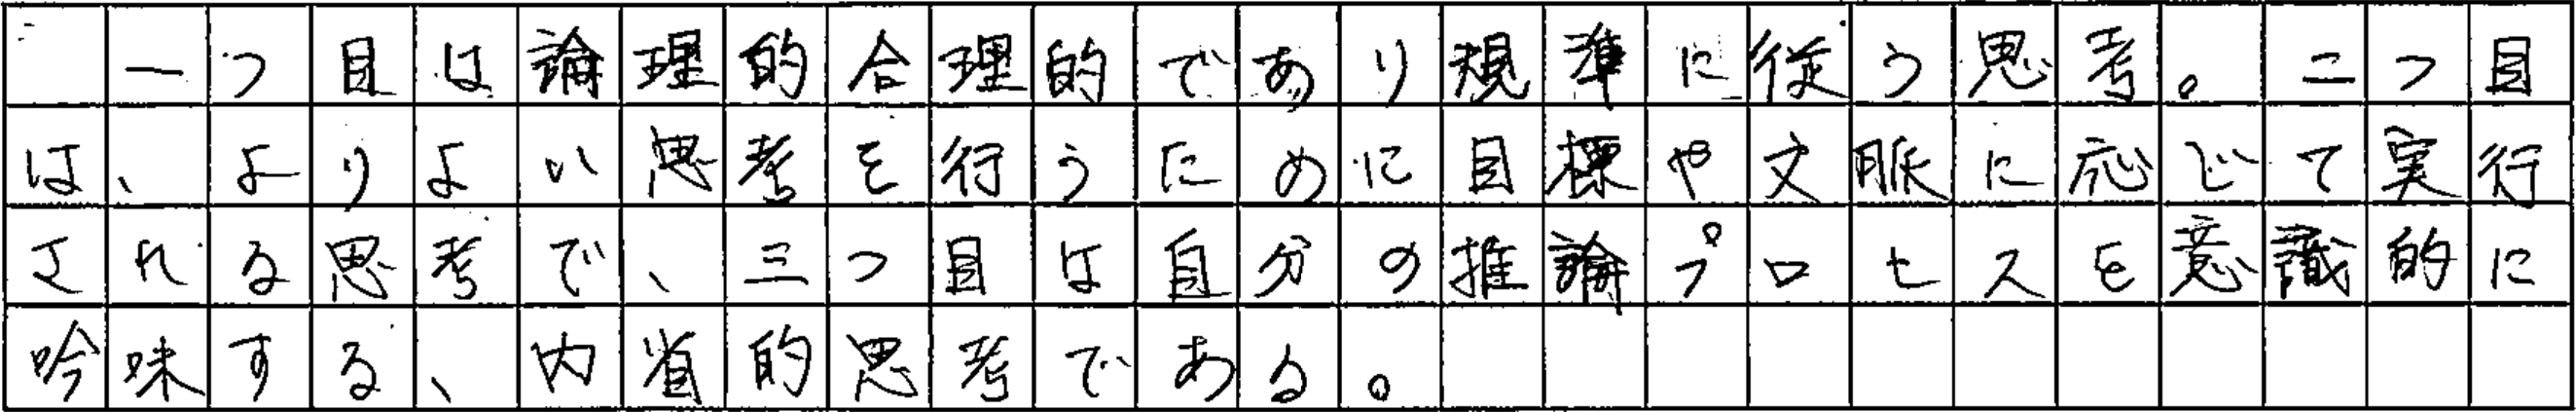　一つ目は論理的合理的であり規準に従う思考。二つ目は、よりよい思考を行うために目標や文脈に応じて実行される思考で、三つ目は自分の推論プロセスを意識的に吟味する、内省的思考である。
